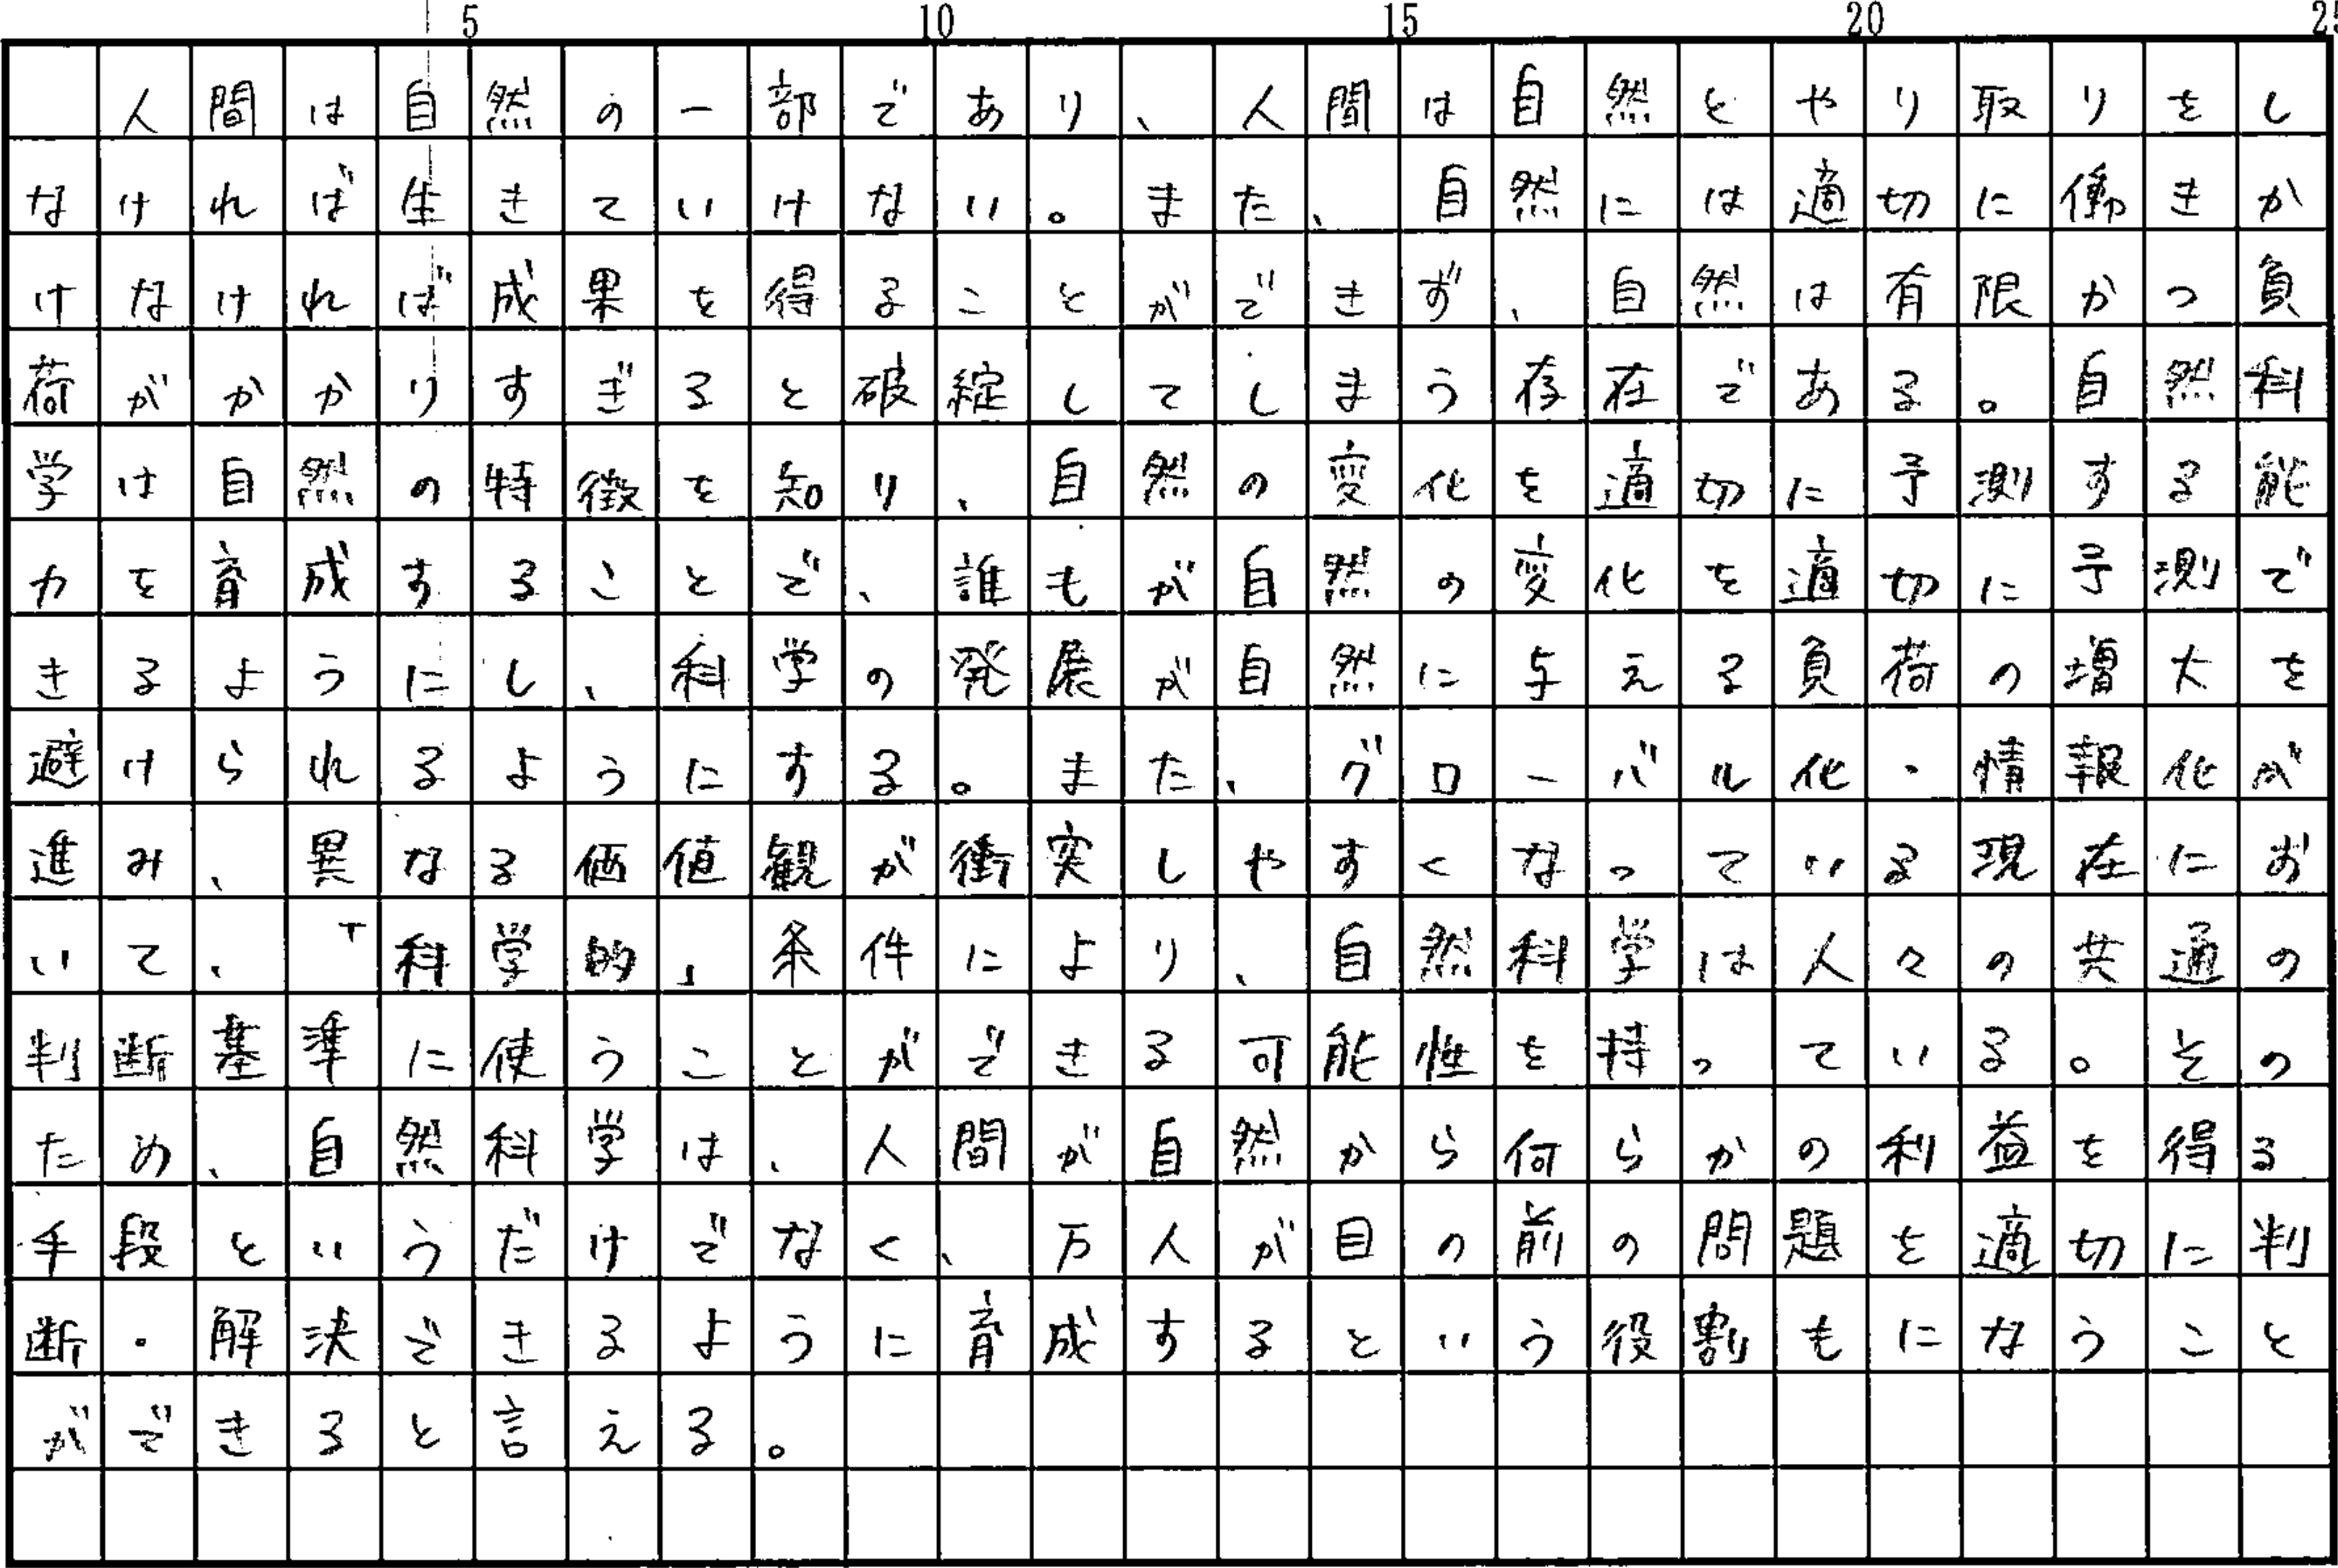　人間は自然の一部であり、人間は自然とやり取りをしなければ生きていけない。また、自然には適切に働きかけなければ成果を得ることができず、自然は有限かつ負荷がかかりすぎると破綻してしまう存在である。自然科学は自然の特徴を知り、自然の変化を適切に予測する能力を育成することで、誰もが自然の変化を適切に予測できるようにし、科学の発▁が自然に与える負荷の増大を避けられるようにする。また、グローバル化・情報化が進み、異なる価値観が衝突しやすくなっている現在において、「科学的」条件により、自然科学は人々の共通の判断基準に使うことができる可能性を持っている。そのため、自然科学は、人間が自然から何らかの利益を得る手段というだけでなく、万人が目の前の問題を適切に判断・解決できるように育成するという役割もになうことができると言える。
